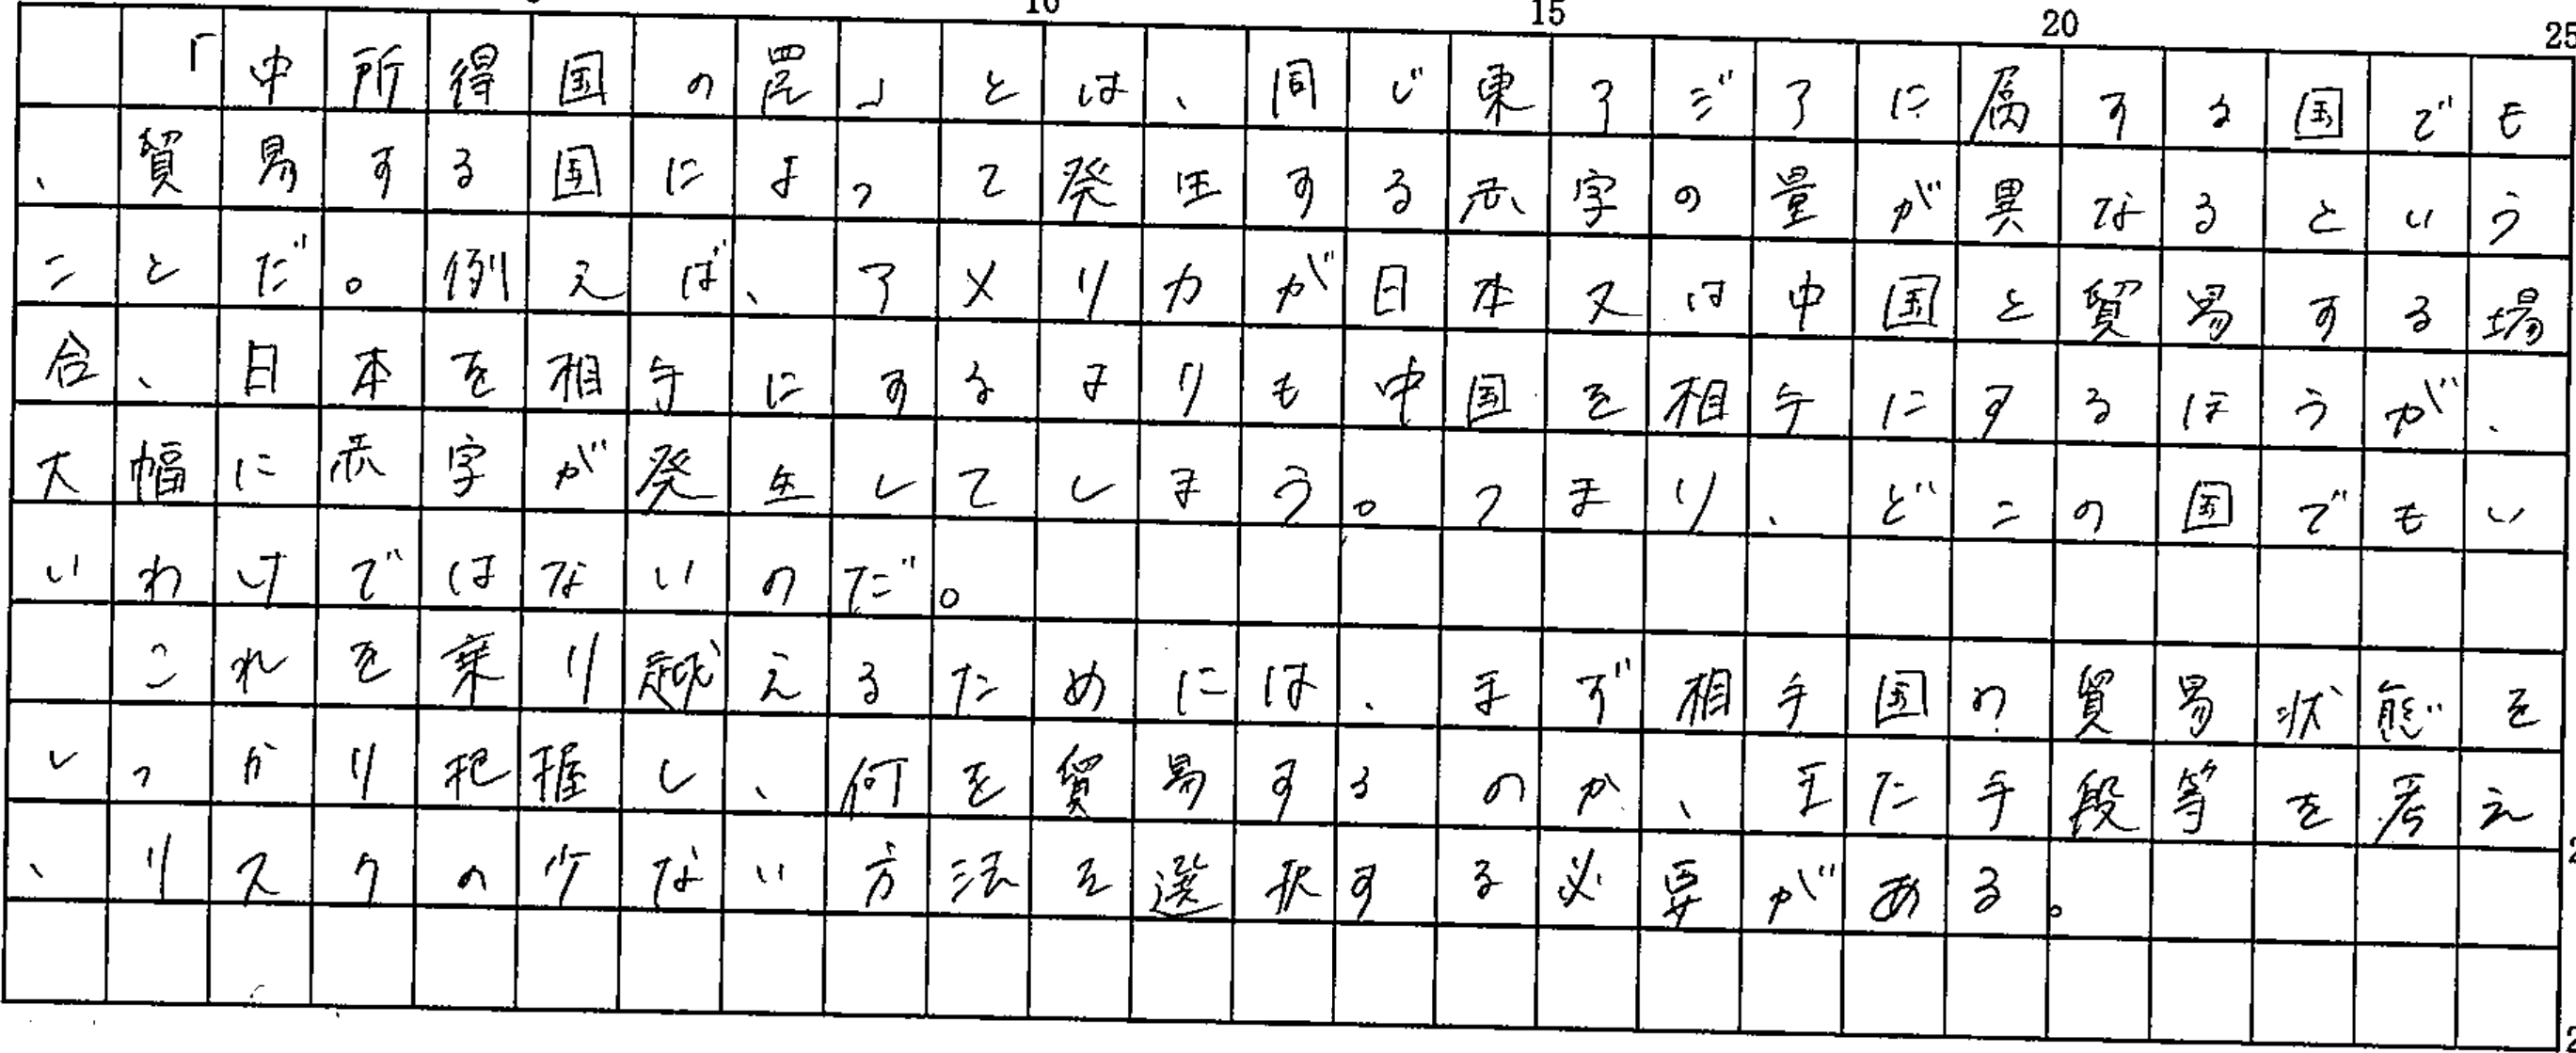　「中所得国の罠」とは、同じ東アジアに属する国でも、貿易する国によって発生する赤字の量が異なるということだ。例えば、アメリカが日本又は中国と貿易する場合、日本を相手にするよりも中国を相手にするほうが、大幅に赤字が発生してしまう。つまり、どこの国でもいいわけではないのだ。
　これを乗り越えるためには、まず相手国の貿易状態をしっかり把握し、何を貿易するのか、また手段等を考え、リスクの少ない方法を選択する必要がある。
